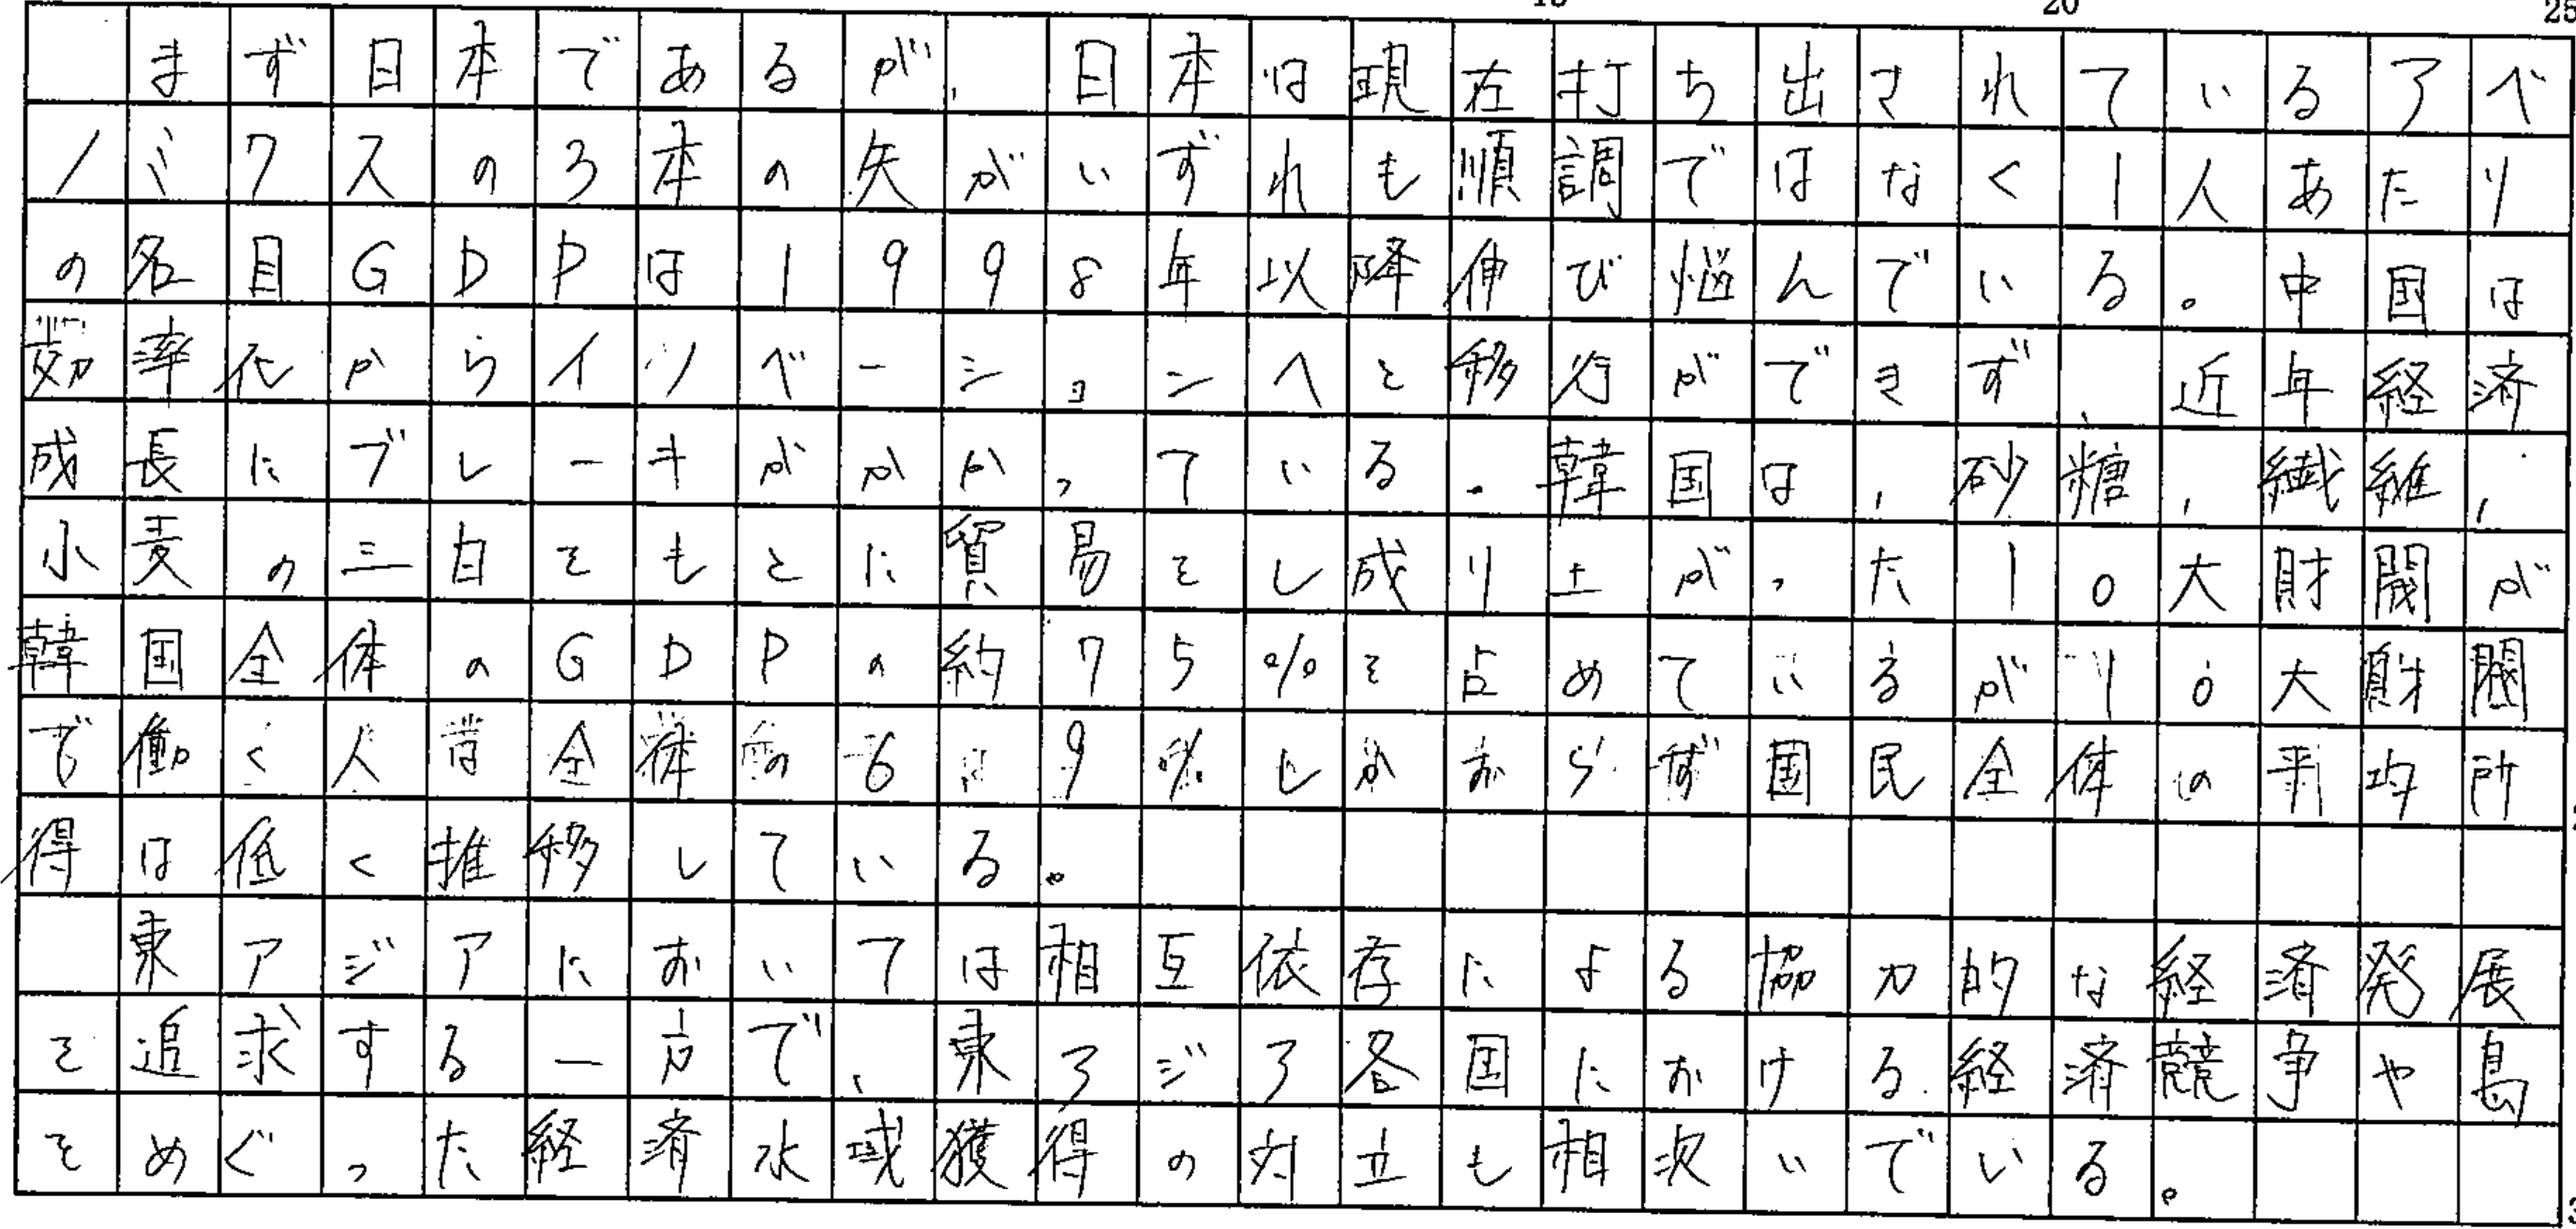　まず日本であるが、日本は現在打ち出されているアベノミクスの３本の矢がいずれも順調ではなく１人あたりの名目ＧＤＰは１９９８年以降伸び悩んでいる。中国は効率化からイノベーションへと移行ができず、近年経済成長にブレーキがかかっている。韓国は，砂糖，繊維，小麦の三白をもとに貿易をし成り上がった１０大財閥が韓国全体のＧＤＰの約７５％を占めているが１０大財閥で働く人は全体の６．９％しかおらず国民全体の平均所得は低く推移している。
　東アジアにおいては相互依存による協力的な経済発展を追求する一方で、東アジア各国における経済競争や島をめぐった経済水域獲得の対立も相次いでいる。
